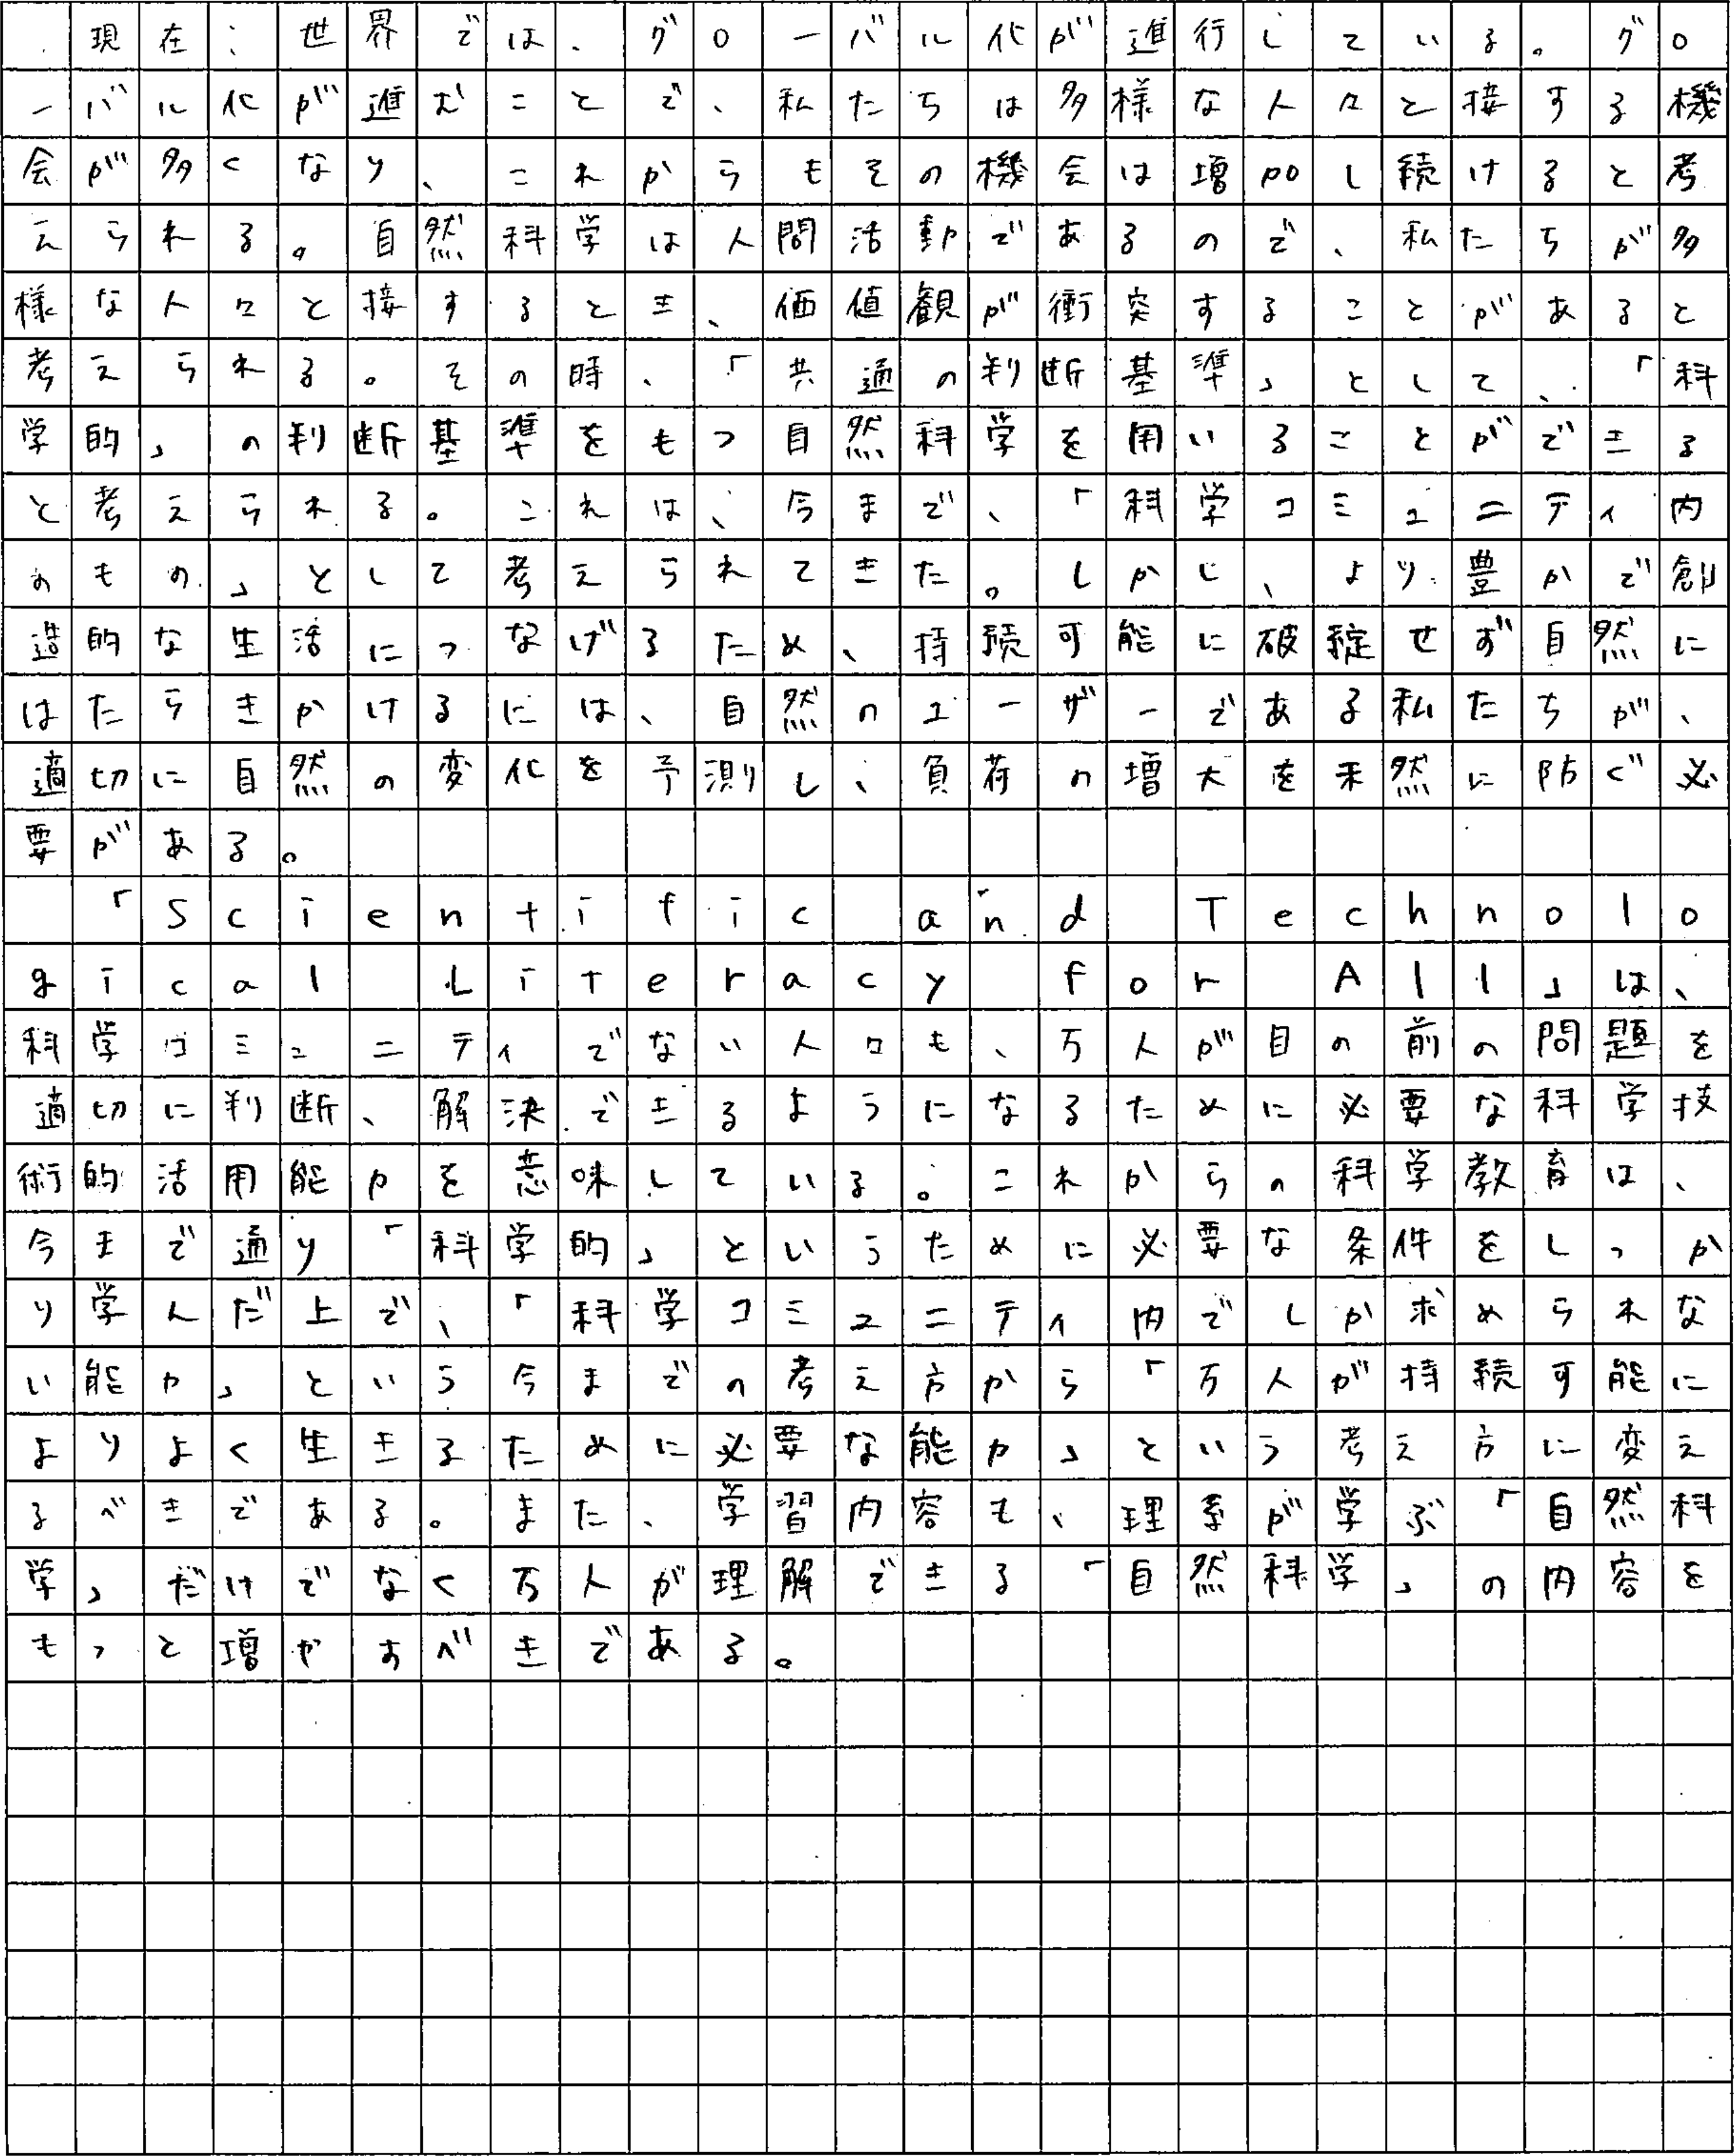　現在、世界では、グローバル化が進行している。グローバル化が進むことで、私たちは多様な人々と接する機会が多くなり、これからもその機会は増加し続けると考えられる。自然科学は人間活動であるので、私たちが多様な人々と接するとき、価値観が衝突することがあると考えられる。その時、「共通の判断基準」として、「科学的」の判断基準をもつ自然科学を用いることができると考えられる。これは、今まで、「科学コミュニティ内のもの」として考えられてきた。しかし、より豊かで創造的な生活につなげるため、持続可能に破綻せず自然にはたらきかけるには、自然のユーザーである私たちが、適切に自然の変化を予測し、負荷の増大を未然に防ぐ必要がある。
　「Ｓｃｉｅｎｔｉｆｉｃ　ａｎｄ　Ｔｅｃｈｎｏｌｏｇｉｃａｌ　Ｌｉｔｅｒａｃｙ　ｆｏｒ　Ａｌｌ」は、科学コミュニティでない人々も、万人が目の前の問題を適切に判断、解決できるようになるために必要な科学技術的活用能力を意味している。これからの科学教育は、今まで通り「科学的」というために必要な条件をしっかり学んだ上で、「科学コミュニティ内でしか求められない能力」という今までの考え方から「万人が持続可能によりよく生きるために必要な能力」という考え方に変えるべきである。また、学習内容も、理系が学ぶ「自然科学」だけでなく万人が理解できる「自然科学」の内容をもっと増やすべきである。
